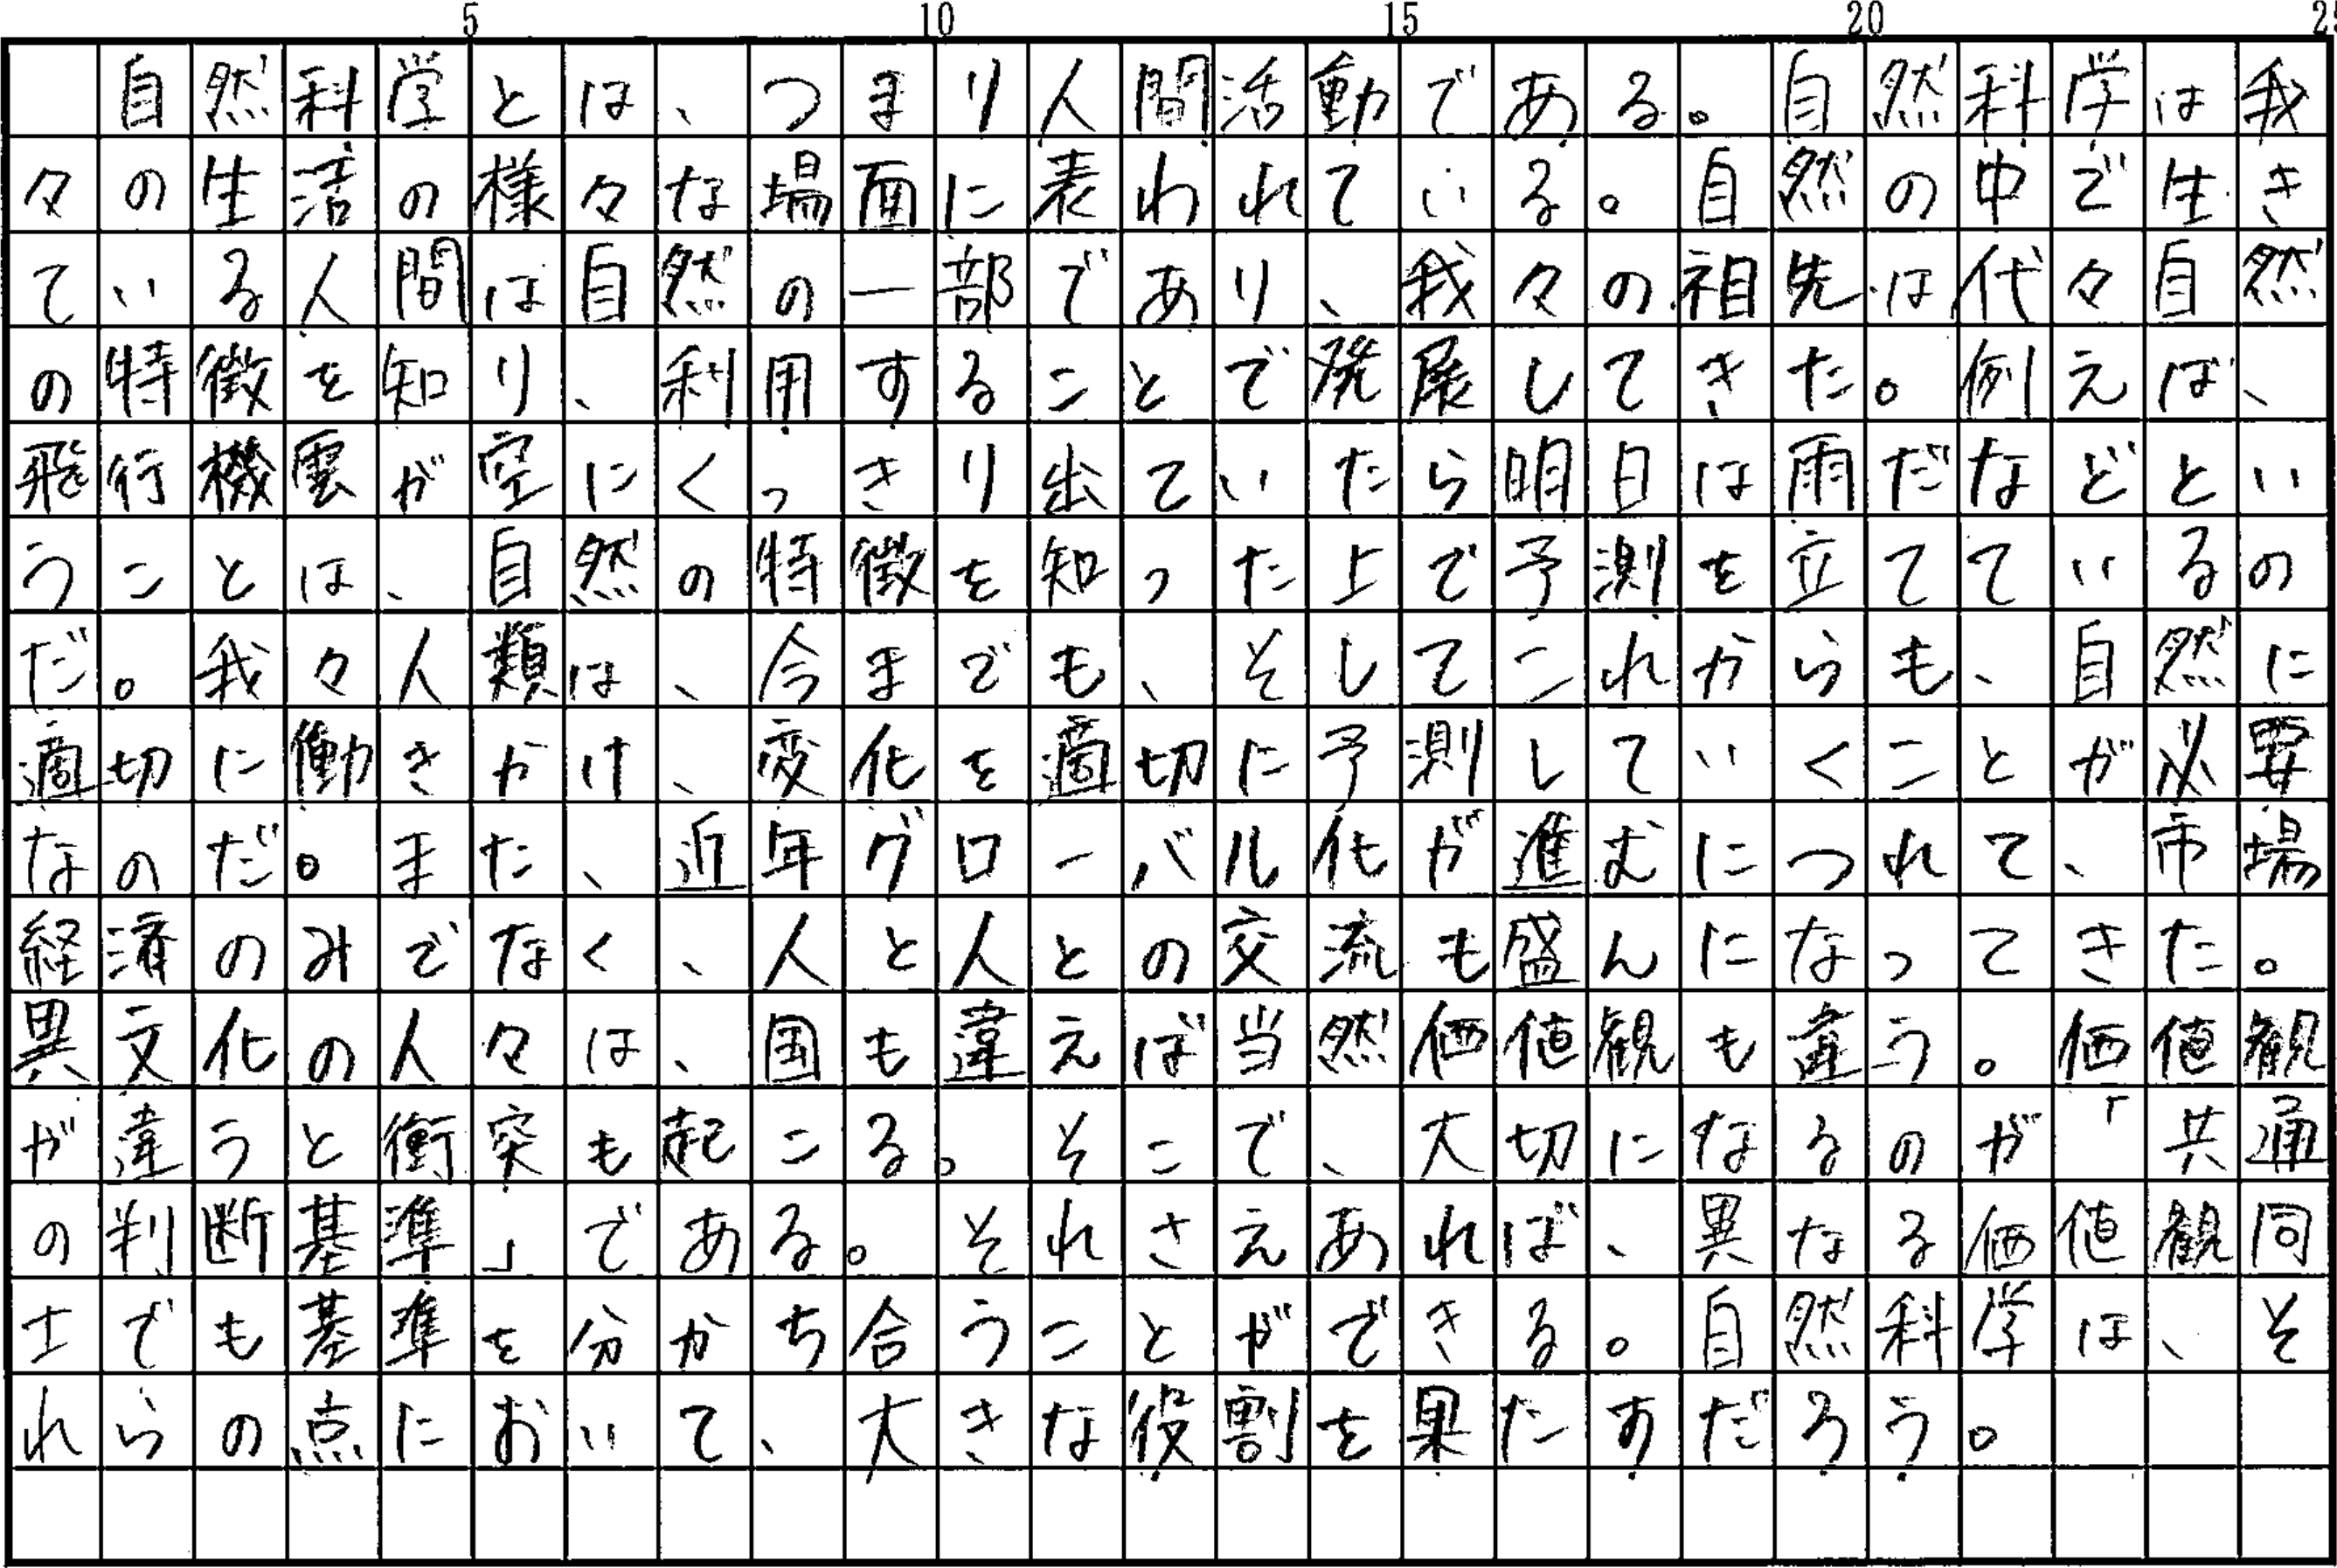　自然科学とは、つまり人間活動である。自然科学は我々の生活の様々な場面に表われている。自然の中で生きている人間は自然の一部であり、我々の祖先は代々自然の特徴を知り、利用することで発展してきた。例えば、飛行機雲が空にくっきり出ていたら明日は雨だなどということは、自然の特徴を知った上で予測を立てているのだ。我々人類は、今までも、そしてこれからも、自然に適切に働きかけ、変化を適切に予測していくことが必要なのだ。また、近年グローバル化が進むにつれて、市場経済のみでなく、人と人との交流も盛んになってきた。異文化の人々は、国も違えば当然価値観も違う。価値観が違うと衝突も起こる。そこで、大切になるのが「共通の判断基準」である。それさえあれば、異なる価値観同士でも基準を分かち合うことができる。自然科学は、それらの点において、大きな役割を果たすだろう。
